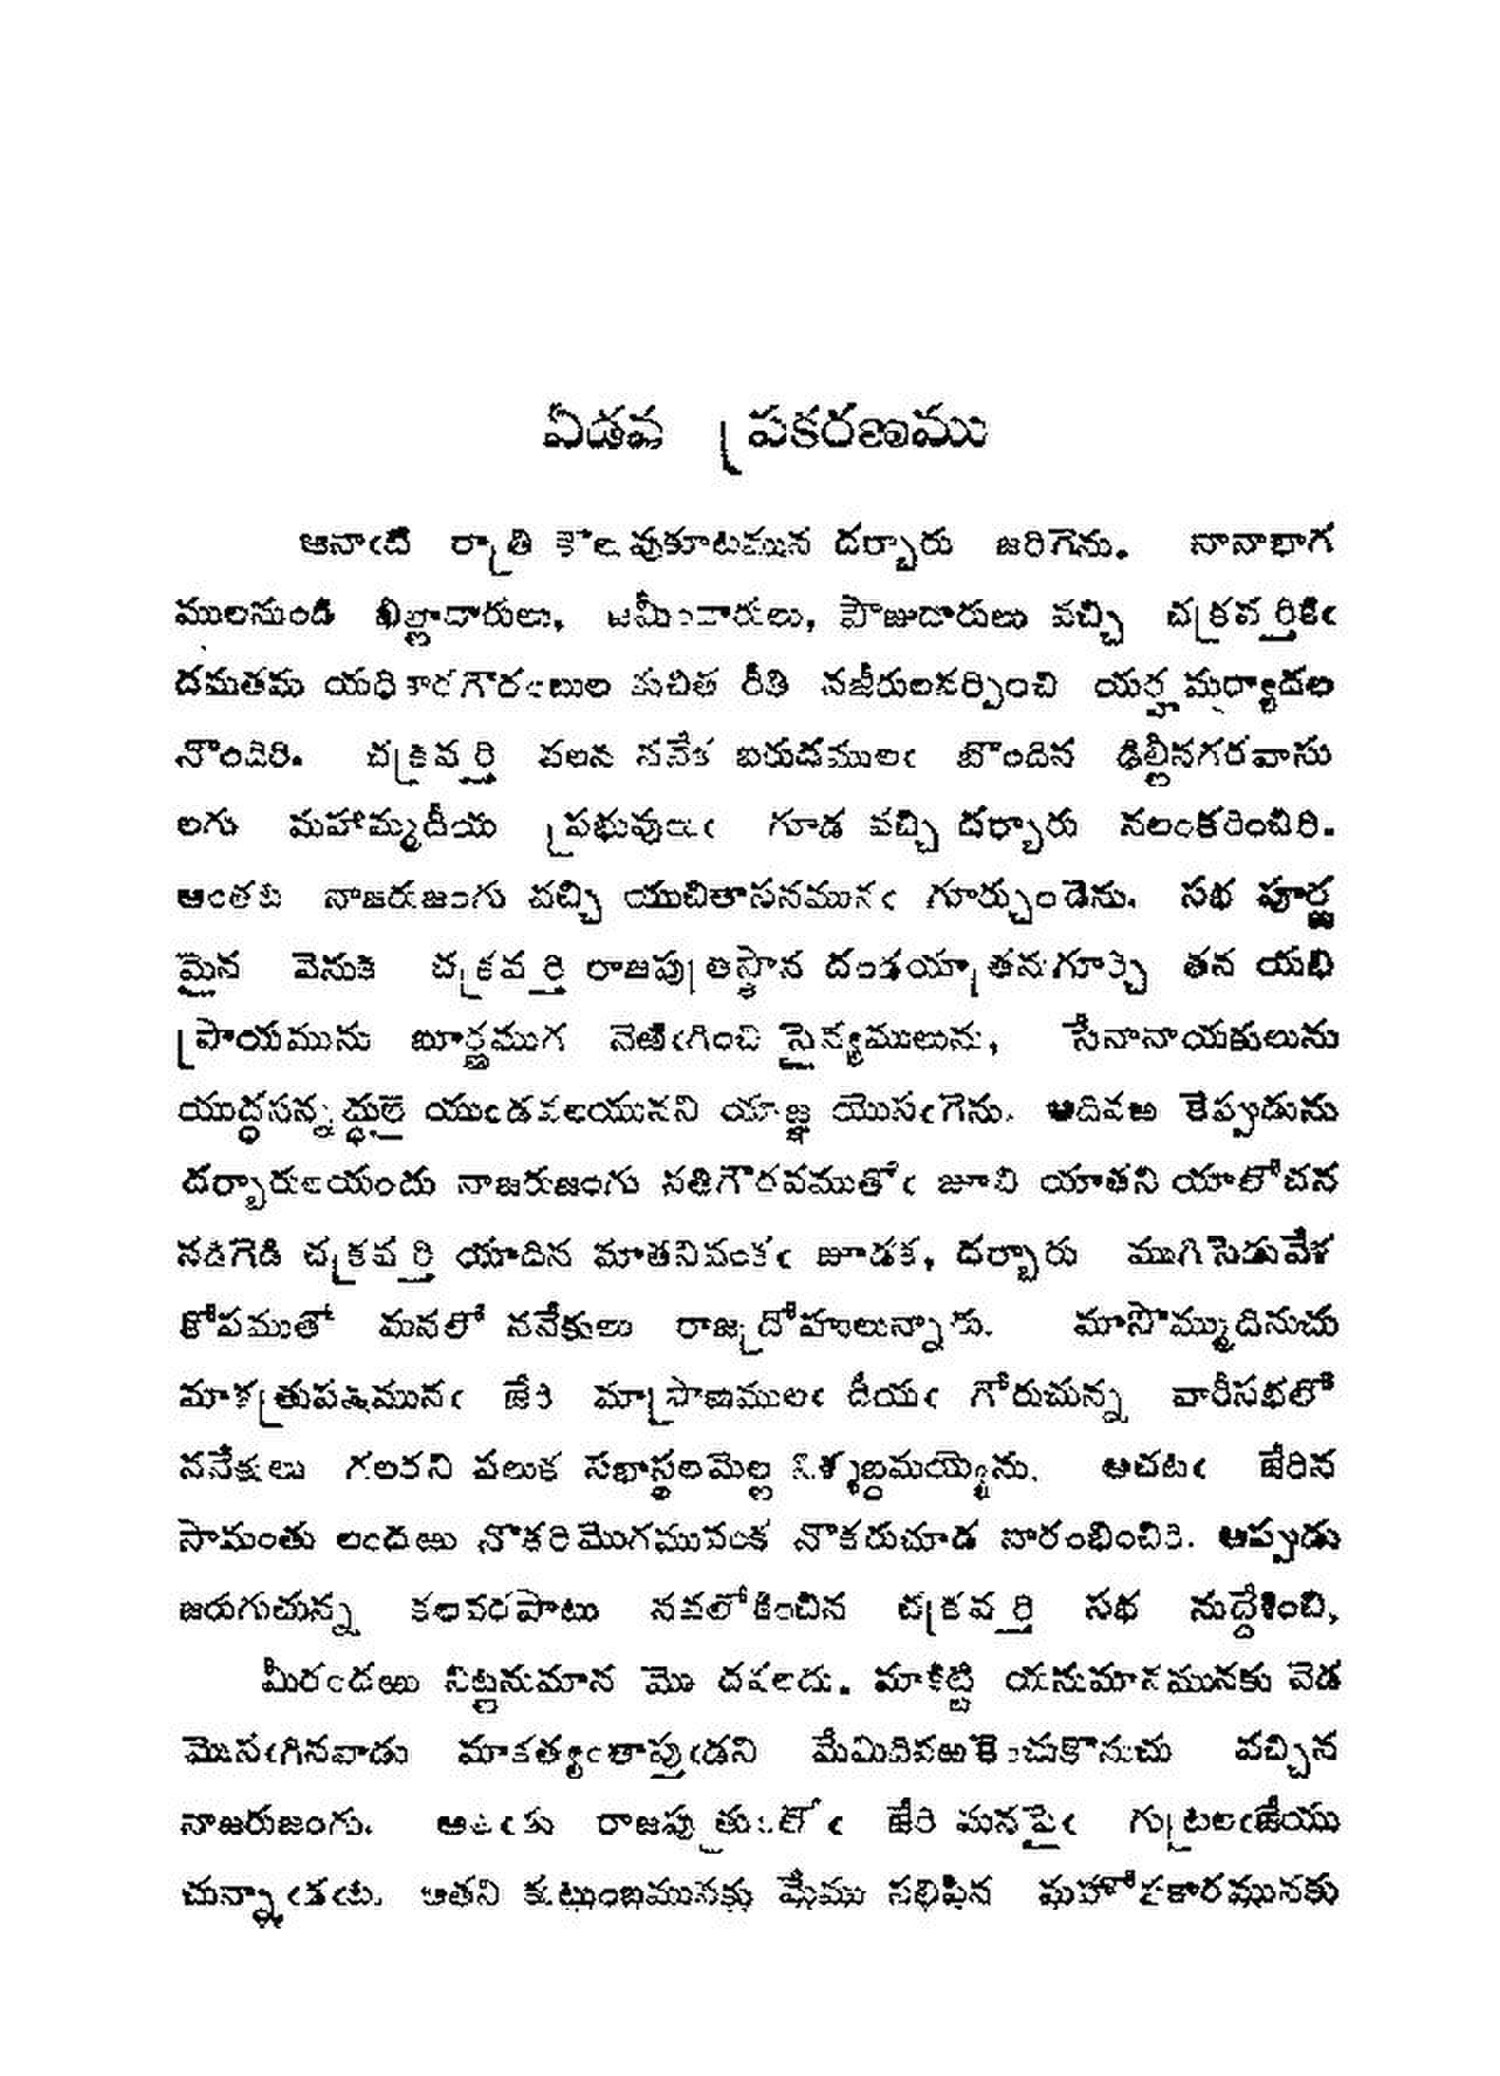ఆనాఁటి రాత్రి కొలవుకూటమున దర్బారు జరిగెను. నానాభాగములనుండి ఖిల్లాదారులు, జమీందారులు, పౌజుదారులు వచ్చి చక్రవర్తికిఁ దమతమ యధికార గౌరవంబుల నుచిత రీతి నజీరులనర్పించి యర్హమర్యా దల నొందిరి. చక్రవర్తి వలన ననేక బిరుదములఁ బొందిన ఢిల్లీనగరవాసులగు మహమ్మదీయ ప్రభువులుఁ గూడ వచ్చి దర్బారు నలంకరించిరి. అంతట నాజరుజంగు వచ్చి యుచితాసనమున గూర్చుండెను. సభ పూర్ణమైన వెనుక చక్రవర్తి రాజపుత్రస్థాన దండయాత్రను గూర్చి తన యభిప్రాయమును బూర్ణముగ నెఱిఁగించి సైన్యములును, సేనానాయకులను యుద్ధసన్నద్ధులై యుండవలయునని యాజ్ఞ యొఁసగెను. అదివఱకెప్పుడును దర్బారులయందు నాజరుజంగు నతిగౌరవముతోఁ జూచి యాతని యాలోచన నడిగెడి చక్రవర్తి యాదిన మాతనివంకఁ జూడక, దర్బారు ముగిసెడువేళ కోపముతో మనలో ననేకులు రాజద్రోహులున్నారు. మాసొమ్ముదినుచు మాశత్రుపక్షమునఁ జేరి మాప్రాణముల దీయ గోరుచున్న వారీ సభలో ననేకులు గలరని పలుక సభాస్థలమెల్ల నిశ్శబ్దమయ్యెను. అచటఁ జేరిన సామంతు లందఱు నొకరిమొగమువంక నొకరుజూడ నారంభించిరి. అప్పుడు జరుగుతున్న కలవరపాటు నవలోకించిన చక్రవర్తి సభ నుద్దేశించి,

మీరందఱు నిట్లనుమాన మొందవలదు. మాకిట్టి యనుమానమునకు వెడ మొసఁగినవాడు మాకత్యంతాప్తుడని మేమిదివఱకెంచు కొనుచు వచ్చిన నాజరుజంగు. అతఁడు రాజపుత్రులతో జేరి మనపైఁ గుట్రలు జేయుచున్నాఁడఁట. అతని కుటుంబమునకు మేము సలిపిన మహోపకారమునకు